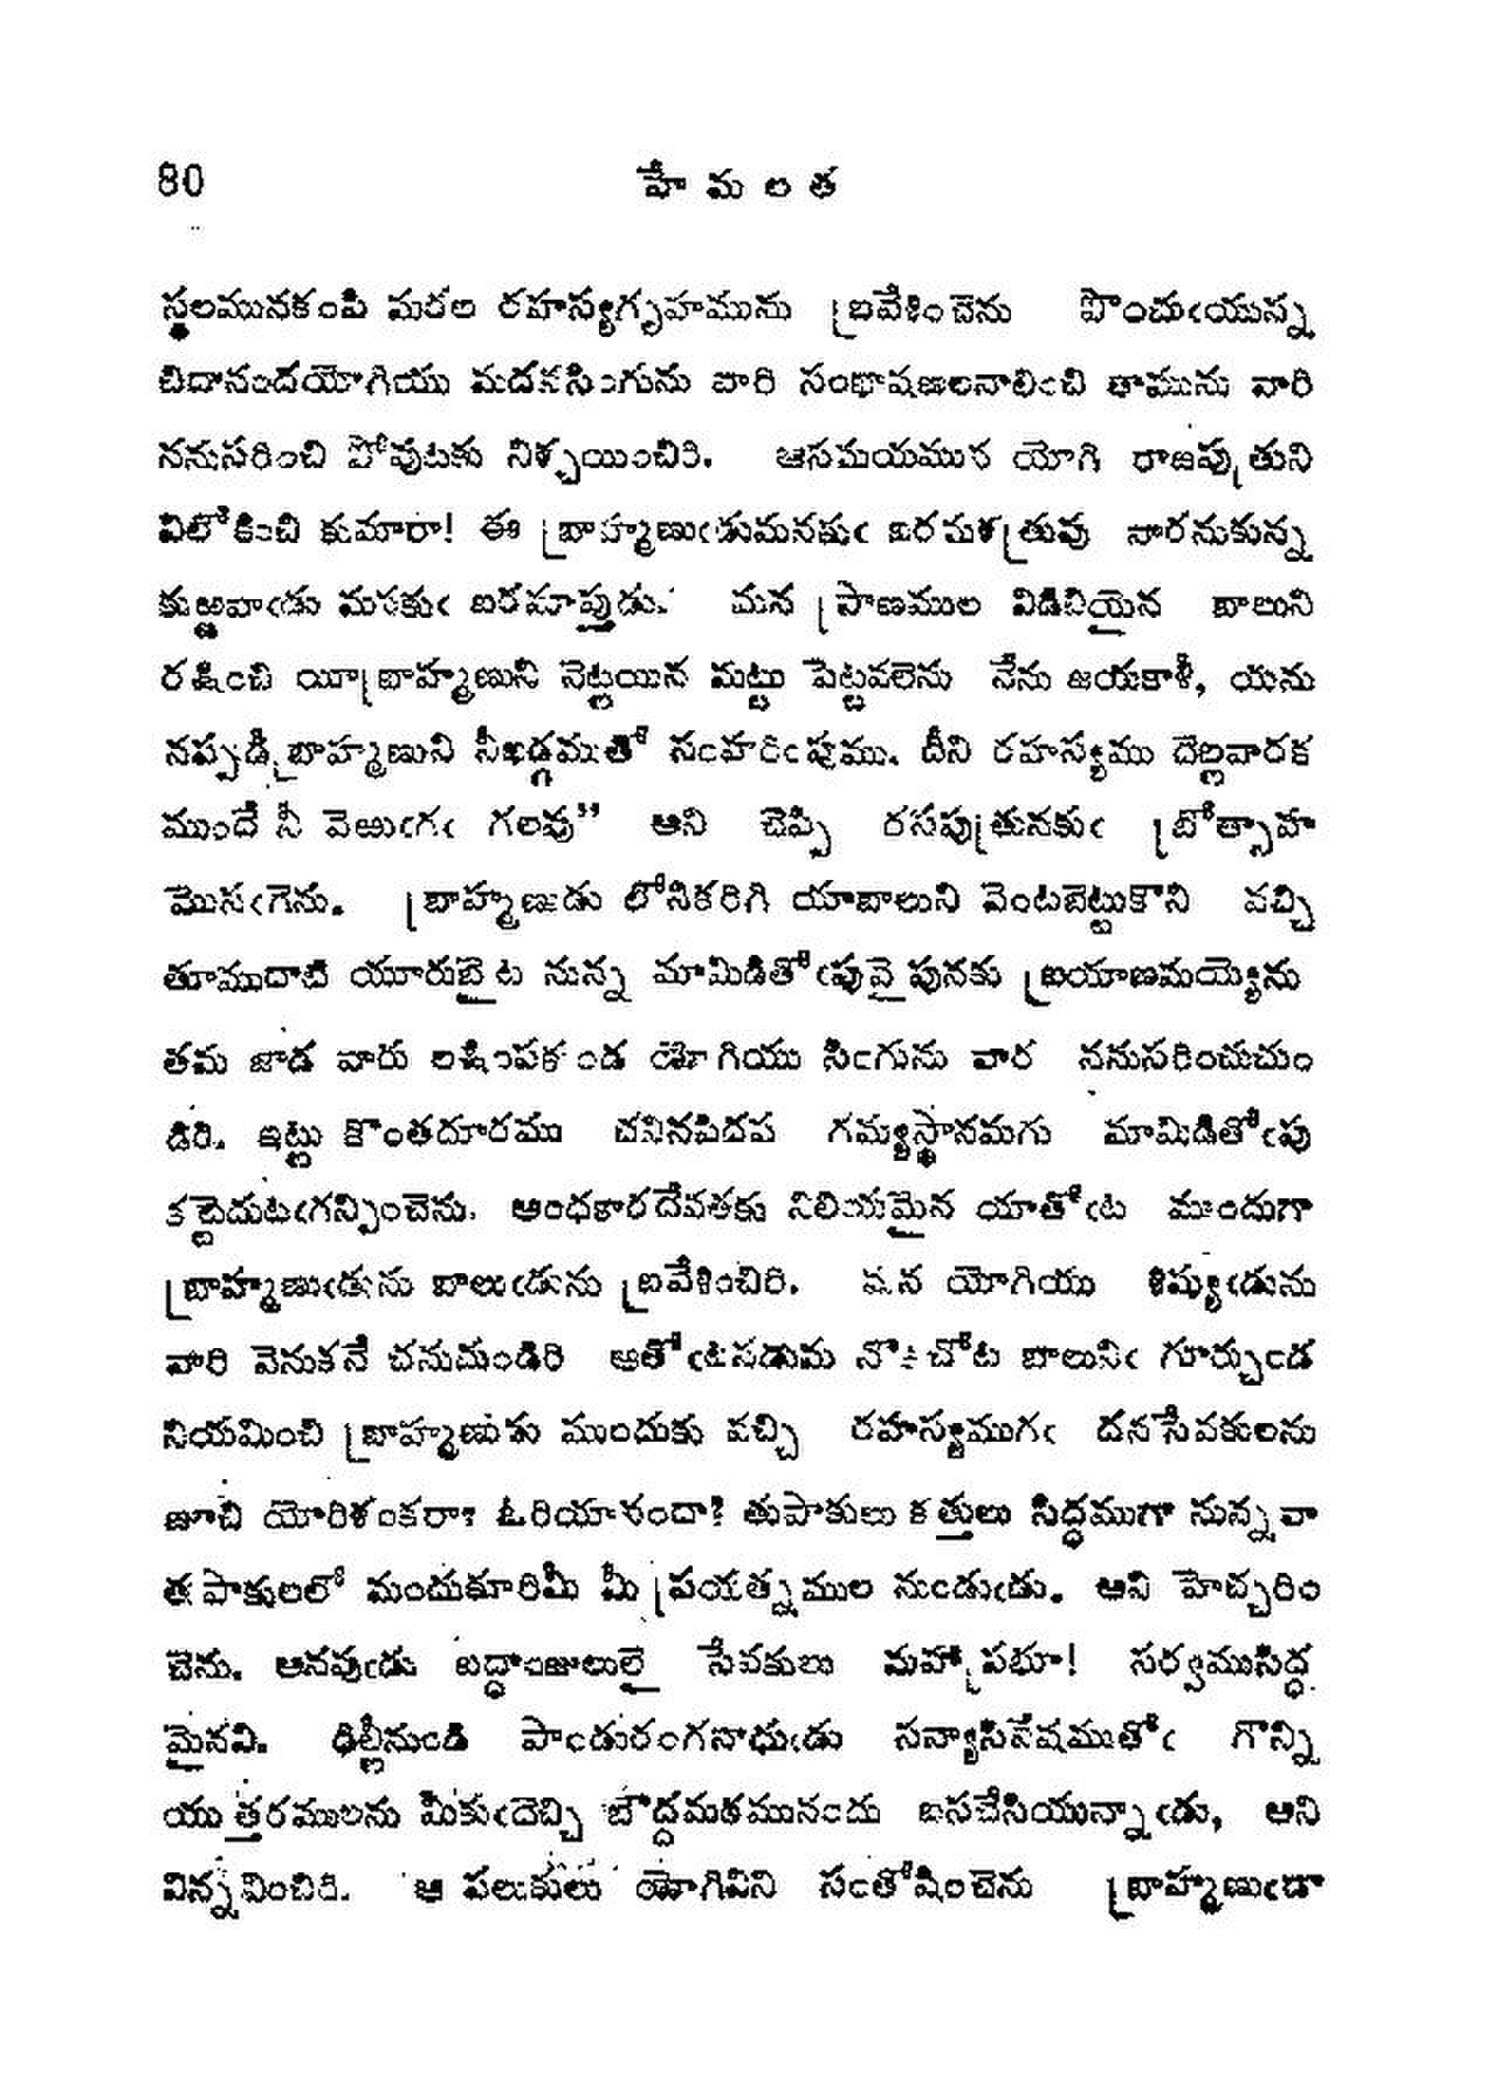స్థలమునకంపి మరల రహస్యగృహమును బ్రవేశించెను. పొంచుఁయున్న చిదానందయోగియు మదనసింగును వారి సంభాషణలనాలించి తామును వారి ననుసరించి పోవుటకు నిశ్చయించిరి. ఆసమయమున యోగి రాజపుత్రుని విలొకించి కుమారా! ఈ బ్రాహ్మణుడు మనకు బరమశత్రువు. వారనుకున్న కుఱ్ఱవాఁడు మనకు బరమాప్తుడు. మన ప్రాణముల విడిచియైన బాలుని రక్షించి యీబ్రాహ్మణుని నెట్లయిన మట్టు పెట్టవలెను. నేను జయకాశీ, యనునప్పుడీబ్రాహ్మణుని నీఖడ్గముతో సంహరింపుము. దీని రహస్యము దెల్లవారకముందే నీ వెఱుఁగఁ గలవు” అని చెప్పి రసపుత్రునకు బ్రోత్సాహ మొసఁగెను. బ్రాహ్మణుడు లోనికరిగి యాబాలుని వెంటబెట్టుకొని వచ్చి తూముదాటి యూరుబైట నున్న మామిడి తోఁపువైపునకు బ్రయాణమయ్యెను. తమ జాడ వారు లక్షింపకుండ యోగియు సింగును వారనుసరించుచుండిరి. ఇట్లు కొంతదూరము చనిన పిదప గమ్యస్థానమగు మామిడితోఁపు కట్టెదుటగన్పించెను. అంధకారదేవతకు నిలయమైన యాతోట ముందుగా బ్రాహ్మణుఁడును బాలుడును బ్రవేశించిరి. మన యోగియు శిష్యుడును వారి వెనుకనే చనుచుండిరి. ఆతోఁటనడుమ నొకచోట బాలునిఁ గూర్చుండ నియమించి బ్రాహ్మణుడు ముందుకు వచ్చి రహస్యముగ దనసేవకులను జూచి యోరిశంకరా? ఓరియానందా? తుపాకులు కత్తులు సిద్ధముగా నున్నవా తుపాకులలో మందుకూరి మీ మీప్రయత్నముల నుండుఁడు. అని హెచ్చరించెను. అనవుఁడు బద్ధాంజులులై సేవకులు మహాప్రభూ! సర్వము సిద్ధమైనవి. ఢిల్లీనుండి పాండురంగనాధుఁడు సన్యాసివేషముతో గొన్ని యుత్తరములను మీకు దెచ్చి బౌద్ధమఠమునందు బసచేసియున్నాఁడు. అని విన్నవించిరి. ఆపలుకులు యోగినవిని సంతోషించెను. బ్రాహ్మణుఁడా